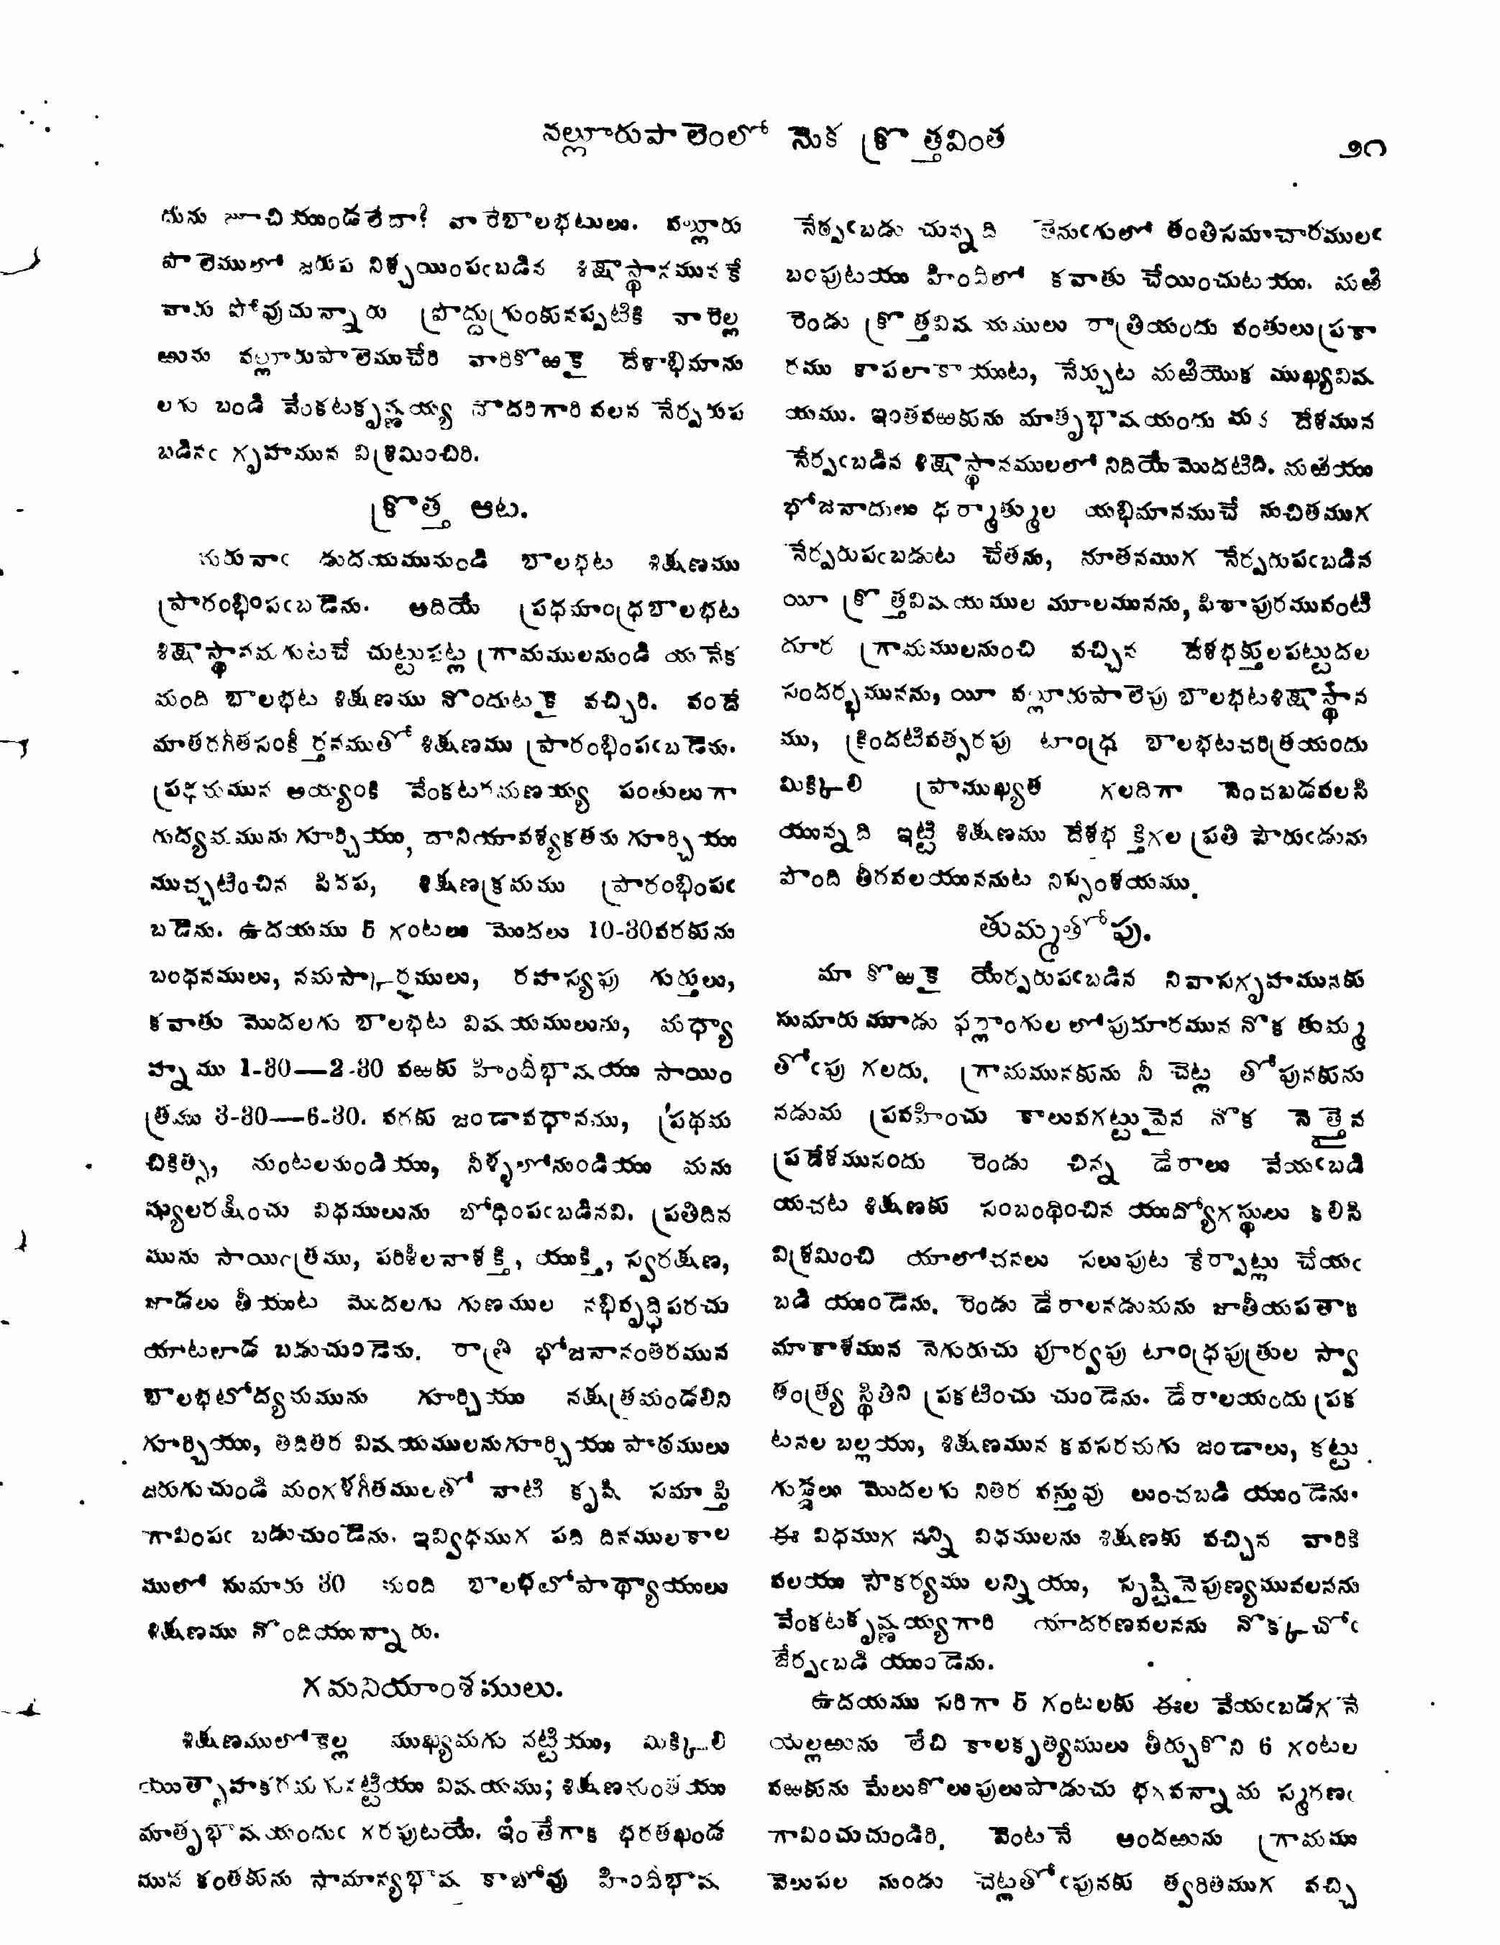గును సూచి యుండలేదా? వారేఖాల భటులు. వల్లూరుపాలెములో జరుప నిశ్చయింపఁబడిన శిక్షాస్థానమునకే వారు పోవుచున్నారు. ప్రొద్దుగుంకునప్పటికి వారెల్లఱురు వల్లూరుపాలెనచేరి వారికొఱకై దేశాభిమానులగు బండి వేంకటకృష్ణయ్య చౌదరిగారి వలన 
నేర్పరుపబడినఁ గృహమున విశ్రమించిరి.

మరునాఁడుదయమునుండి బాలభట శిక్షణము ప్రారంభింపఁబడెను. అదియే ప్రధమాంధ్రబాలభటశిక్షాస్థానమగుటచే చుట్టుపట్ల గ్రామములనుండి యనేకమంది బాలభట శిక్షణము నొందుటకై వచ్చిరి. వందేమాతరగీత సంకీర్తనముతో శిక్షణము ప్రారంభింపఁబడెను.
ప్రధమమున అయ్యంకి వేంకటరమణయ్య పంతులుగారుద్యమమును గూర్చియు, దానియావశ్యకతను గూర్చియు ముచ్చటించిన పిదప, శిక్షణక్రమము ప్రారంభింపఁబడెను. ఉదయము 5 గంటలు మొదలు 10-30 వరకును బంధనములు, నమస్కారములు, రహస్యపు గుర్తులు, కవాతు మొదలగు భాలభట విషయములుగు, మధ్యాహ్నము 1–80—2-30 వఱకు హిందీభాషయు సాయింత్రము 3-30-06-30 వరకు జండావధానము, ప్రధమచికిత్స, నుంటలనుండియు, నీళ్ళలో నుండియు మనుష్యులరక్షించు విధములును బోధింపఁబడినవి. ప్రతిదినమును సాయింత్రము, పరిశీలనాశక్తి, యుక్తి, స్వరక్షణ, జాడలు తీయుట మొదలగు గుణముల నభివృద్ధిపరచు
నభివృద్ధిపరచు యాటలాడ బడుచుండెను. రాత్రి భోజనానంతరమున బాలభటోద్యమమును గూర్చియు నక్షత్రమండలిని గూర్చియు, తదితర విషయములను గూర్చియు పాఠములు జరుగుచుండి మంగళగీతములతో నాటి కృషి సమాప్తి పింపఁబడుచుండెను. ఇవ్విధముగ పది దినములకాలములో సుమారు 30 కుంది భాలధీటోపాథ్యాయులు శిక్షణము నొందియున్నారు.

శిక్షణములోకెల్ల ముఖ్యమగు నట్టియు, మిక్కిలి యత్సాహకరమగునట్టియు విషయము; శిక్షణమంతయు మాతృభాష యందుఁ గరపుటయే. ఇంతేగాక భరతఖండముస కంతకును సామాన్యభాష కాబోవు హిందీభాష నేర్పఁబడు చున్నది. తెనుఁగులో తంతిసమాచారములఁ
బంపుటయు హిందీలో కవాతు చేయించుటయు మఱి రెండు క్రొత్తవిషయములు రాత్రియందు వంతులు ప్రకారము కాపలాకాయుట, నేర్చుట మఱియొక ముఖ్యవివయము. ఇంతవఱకును మాతృభాషయందు మనదేశమున నేర్పఁబడిన శిక్షాస్థానములలో నిదియే మొదటిది. మఱియు భోజనాదులు ధర్మాత్ముల యభిమానముచే నుచితముగ నేర్పరుపఁబడుట చేతను, నూతనముగ నేర్పగుపఁబడిన
క్రొత్తవిషయముల మూలమునను, పిఠాపురమువంటి దూర గ్రామములనుంచి వచ్చిన దేశభక్తుల పట్టుదల సందర్భమునను, యీ వల్లూరుపాలెపు బౌలభటశిక్షా స్థానము, క్రిందటివత్సరపు టాంధ్ర బాలభటచరిత్రయందు మిక్కిలి ప్రాముఖ్యత గలదిగా పెంచబడవలసి
యున్నది. ఇట్టి శిక్షణము దేశభక్తిగల ప్రతి పౌరుఁడును పొంది తీరవలయుననుట నిస్సంశయము.

మా కొఱకై యేర్పరుపఁబడిన నివాసగృహమునకు సుమారు మూడు ఫర్లాంగులలోపుదూరమున నొక తుమ్మతోఁపు గలదు, గ్రామమునకును నీ చెట్ల తోపునకును నడుమ ప్రవహించు కాలువగట్టుపైన నొక నెత్తెన ప్రదేశమునందు రెండు చిన్న డేరాలు వేయఁబడి యచట శిక్షణకు సంబంధించిన యుద్యోగస్థులు కలిసి విశ్రమించి యాలోచనలు సలుపుట కేర్పాట్లు చేయఁబడి యుండెను. రెండు డేరాలనడుమను జాతీయపతామాకాశమున నెగురుచు పూర్వపు టాంధ్రపుత్రుల స్వాతంత్య్ర స్థితిని ప్రకటించు చుండెను. డేరాలయందు ప్రకటనలు బల్లయు, శిక్షణమున కవసరమగు జండాలు, కట్టుగుడ్డలు మొదలగు నితర వస్తువు లుంచబడి యుండెను. ఈ విధముగ నన్ని విధములను శిక్షణకు వచ్చినవారికి వలయు సౌకర్యము లన్నియు, సృష్టి నైపుణ్యమువలనను వేంకటకృష్ణయ్యగారి యదరణవలనను నొక్కచోఁ జేర్పఁబడి యుండెను. 

ఉదయము సరిగా 5 గంటలకు ఈల వేయఁబడగనే యల్లఱును లేచి కాలకృత్యములు తీర్చుకొని 6 గంటల పఱుకును మేలుకొలుపులు పాడుచు భగవన్నామస్మరణఁ గావించుచుండిరి. వెంటనే అందఱును గ్రామము వెలుపల నుండు చెట్లతో(పునకు త్వరితముగ వచ్చి